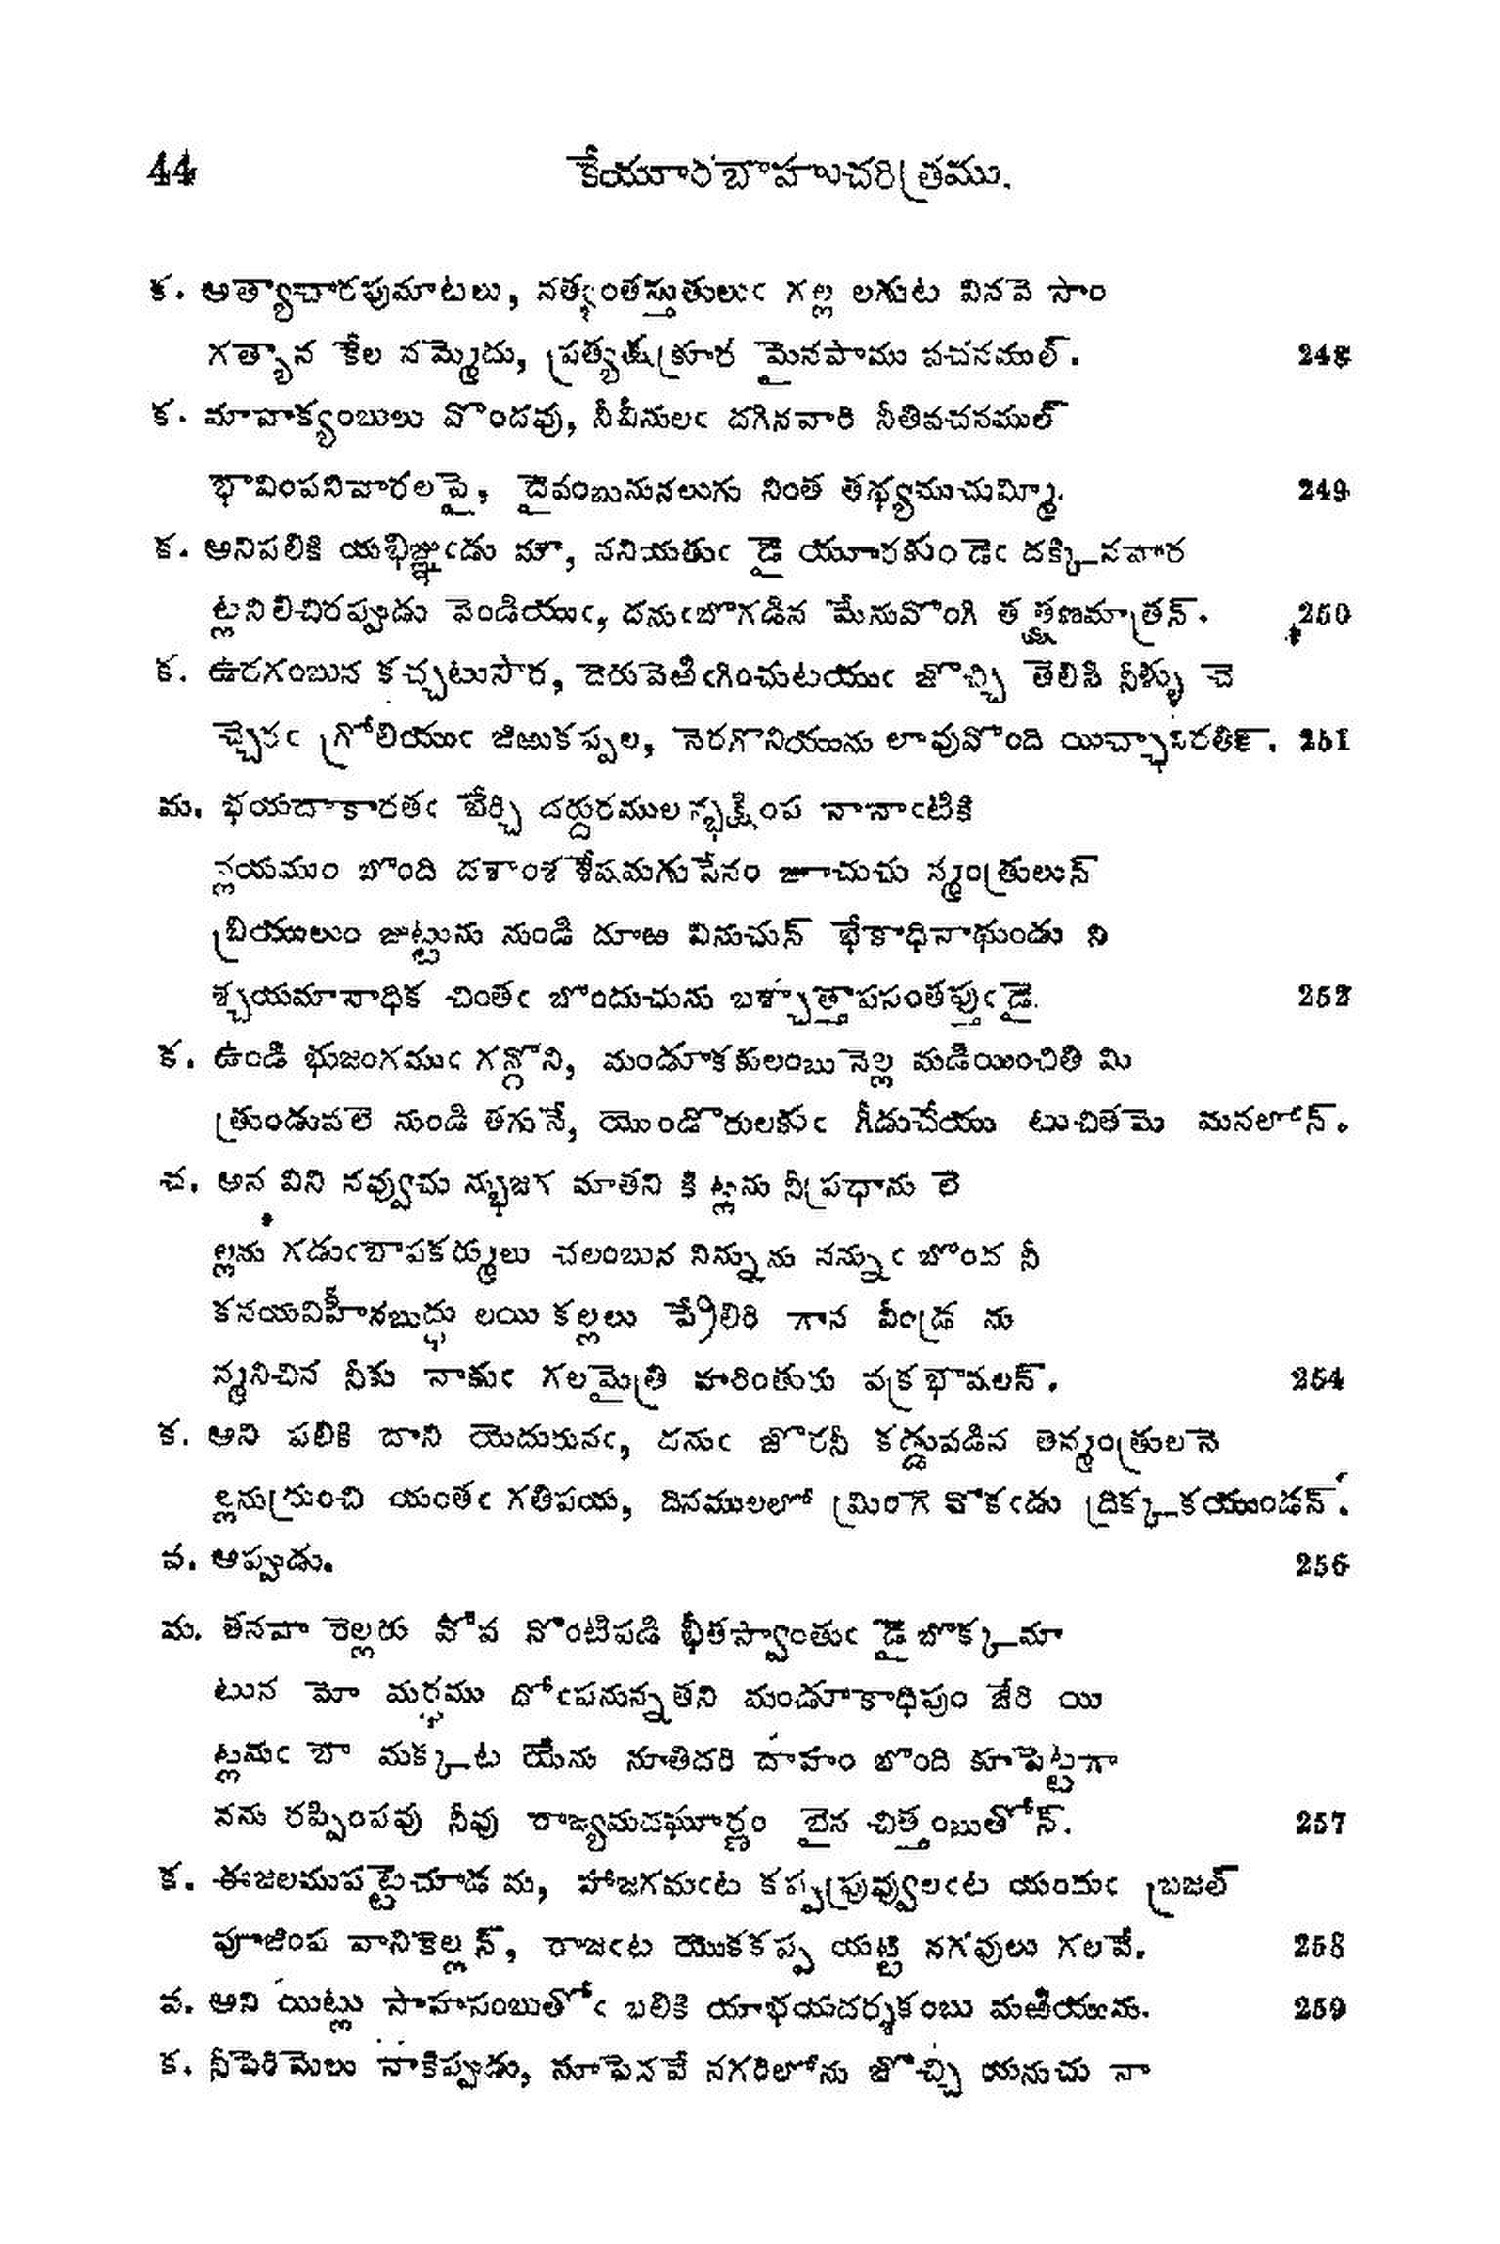క. అత్యాచారపుమాటలు, నత్యంతస్తుతులుఁ గల్ల లగుట వినవె సాం
 గత్యాన కేల నమ్మెదు, ప్రత్యక్షక్రూర మైనపాము వచనముల్.
క. మావాక్యంబులు వొందవు, నీవీనులఁ దగినవారి నీతివచనముల్
 భావింపనివారలపై, దైవంబును నలుగు నింత తథ్యము చుమ్మీ.
క. అనిపలికి యభిజ్ఞుఁడు మౌ, ననియతుఁ డై యూరకుండెఁ దక్కినవార
 ట్ల నిలిచి రప్పుడు వెండియుఁ, దనుఁ బొగడిన మేనువొంగి తత్క్షణమాత్రన్.
క. ఉరగంబున కచ్చటుసొర, దెరు వెఱిఁగించుటయుఁ జొచ్చి తెలిసి నీళ్ళు చె
 చ్చెరఁ గ్రోలియుఁ జిఱుకప్పల, నెరగొనియును లావువొంది యిచ్ఛానిరతిన్.
మ. భయదాకారతఁ బేర్చి దర్దురముల న్భక్షింప నానాఁటికి
 న్లయముం బొంది దశాంశశేషమగుసేనం జూచుచు న్మంత్రులున్
 బ్రియులుం జుట్టును నుండి దూఱ వినుచున్ భేకాధినాథుండు ని
 శ్చయమానాధికచింతఁ బొందుచును బశ్చాత్తాపసంతప్తుఁడై.
క. ఉండి భుజంగముఁ గన్గొని, మండూకకులంబు నెల్ల మడియించితి మి
 త్రుండువలె నుండి తగునే, యొండొరులకుఁ గీడుచేయు టుచితమె మనలోన్.
చ. అన విని నవ్వుచు న్భుజగ మాతని కిట్లను నీ ప్రధాను లె
 ల్లను గడుఁబాపకర్ములు చలంబున నిన్నును నన్నుఁ బొంద నీ
 కనయవిహీనబుద్ధు లయి కల్లలు ప్రేలిరి గాన వీండ్ర ను
 న్మనిచిన నీకు నాకుఁ గలమైత్రి హరింతురు వక్ర భాషలన్.
క. అని పలికి దాని యెదురునఁ, దనుఁ జొరనీ కడ్డుపడిన తన్మంత్రుల నె
 ల్లను ద్రుంచి యంతఁ గతిపయ, దినములలో మ్రింగె వొకఁడు ద్రిక్కకయుండన్.
వ. అప్పుడు.
మ. తనవా రెల్లరు వోవ నొంటిపడి భీతస్వాంతుఁ డై బొక్కమా
 టున మో మర్ధము దోఁపనున్నతని మండూకాధిపుం జేరి యి
 ట్లనుఁ బా మక్కట యేను నూతిదరి దాహం బొంది కూపెట్టగా
 నను రప్పింపవు నీవు రాజ్యమదఘూర్ణం బైనచిత్తంబుతోన్.
క. ఈ జలముపట్టె చూడ మ, హాజగమఁట కప్పప్రువ్వులఁట యందుఁ బ్రజల్
 పూజింప వాని కెల్లన్, రాజఁట యొకకప్ప యట్టి నగవులు గలవే.
వ. అని యిట్లు సాహసంబుతోఁ బలికి యాభయదర్శకంబు మఱియును.
క. నీపెరిమెలు నా కిప్పుడు, సూపెదవే నగరిలోను జొచ్చి యనుచు నా